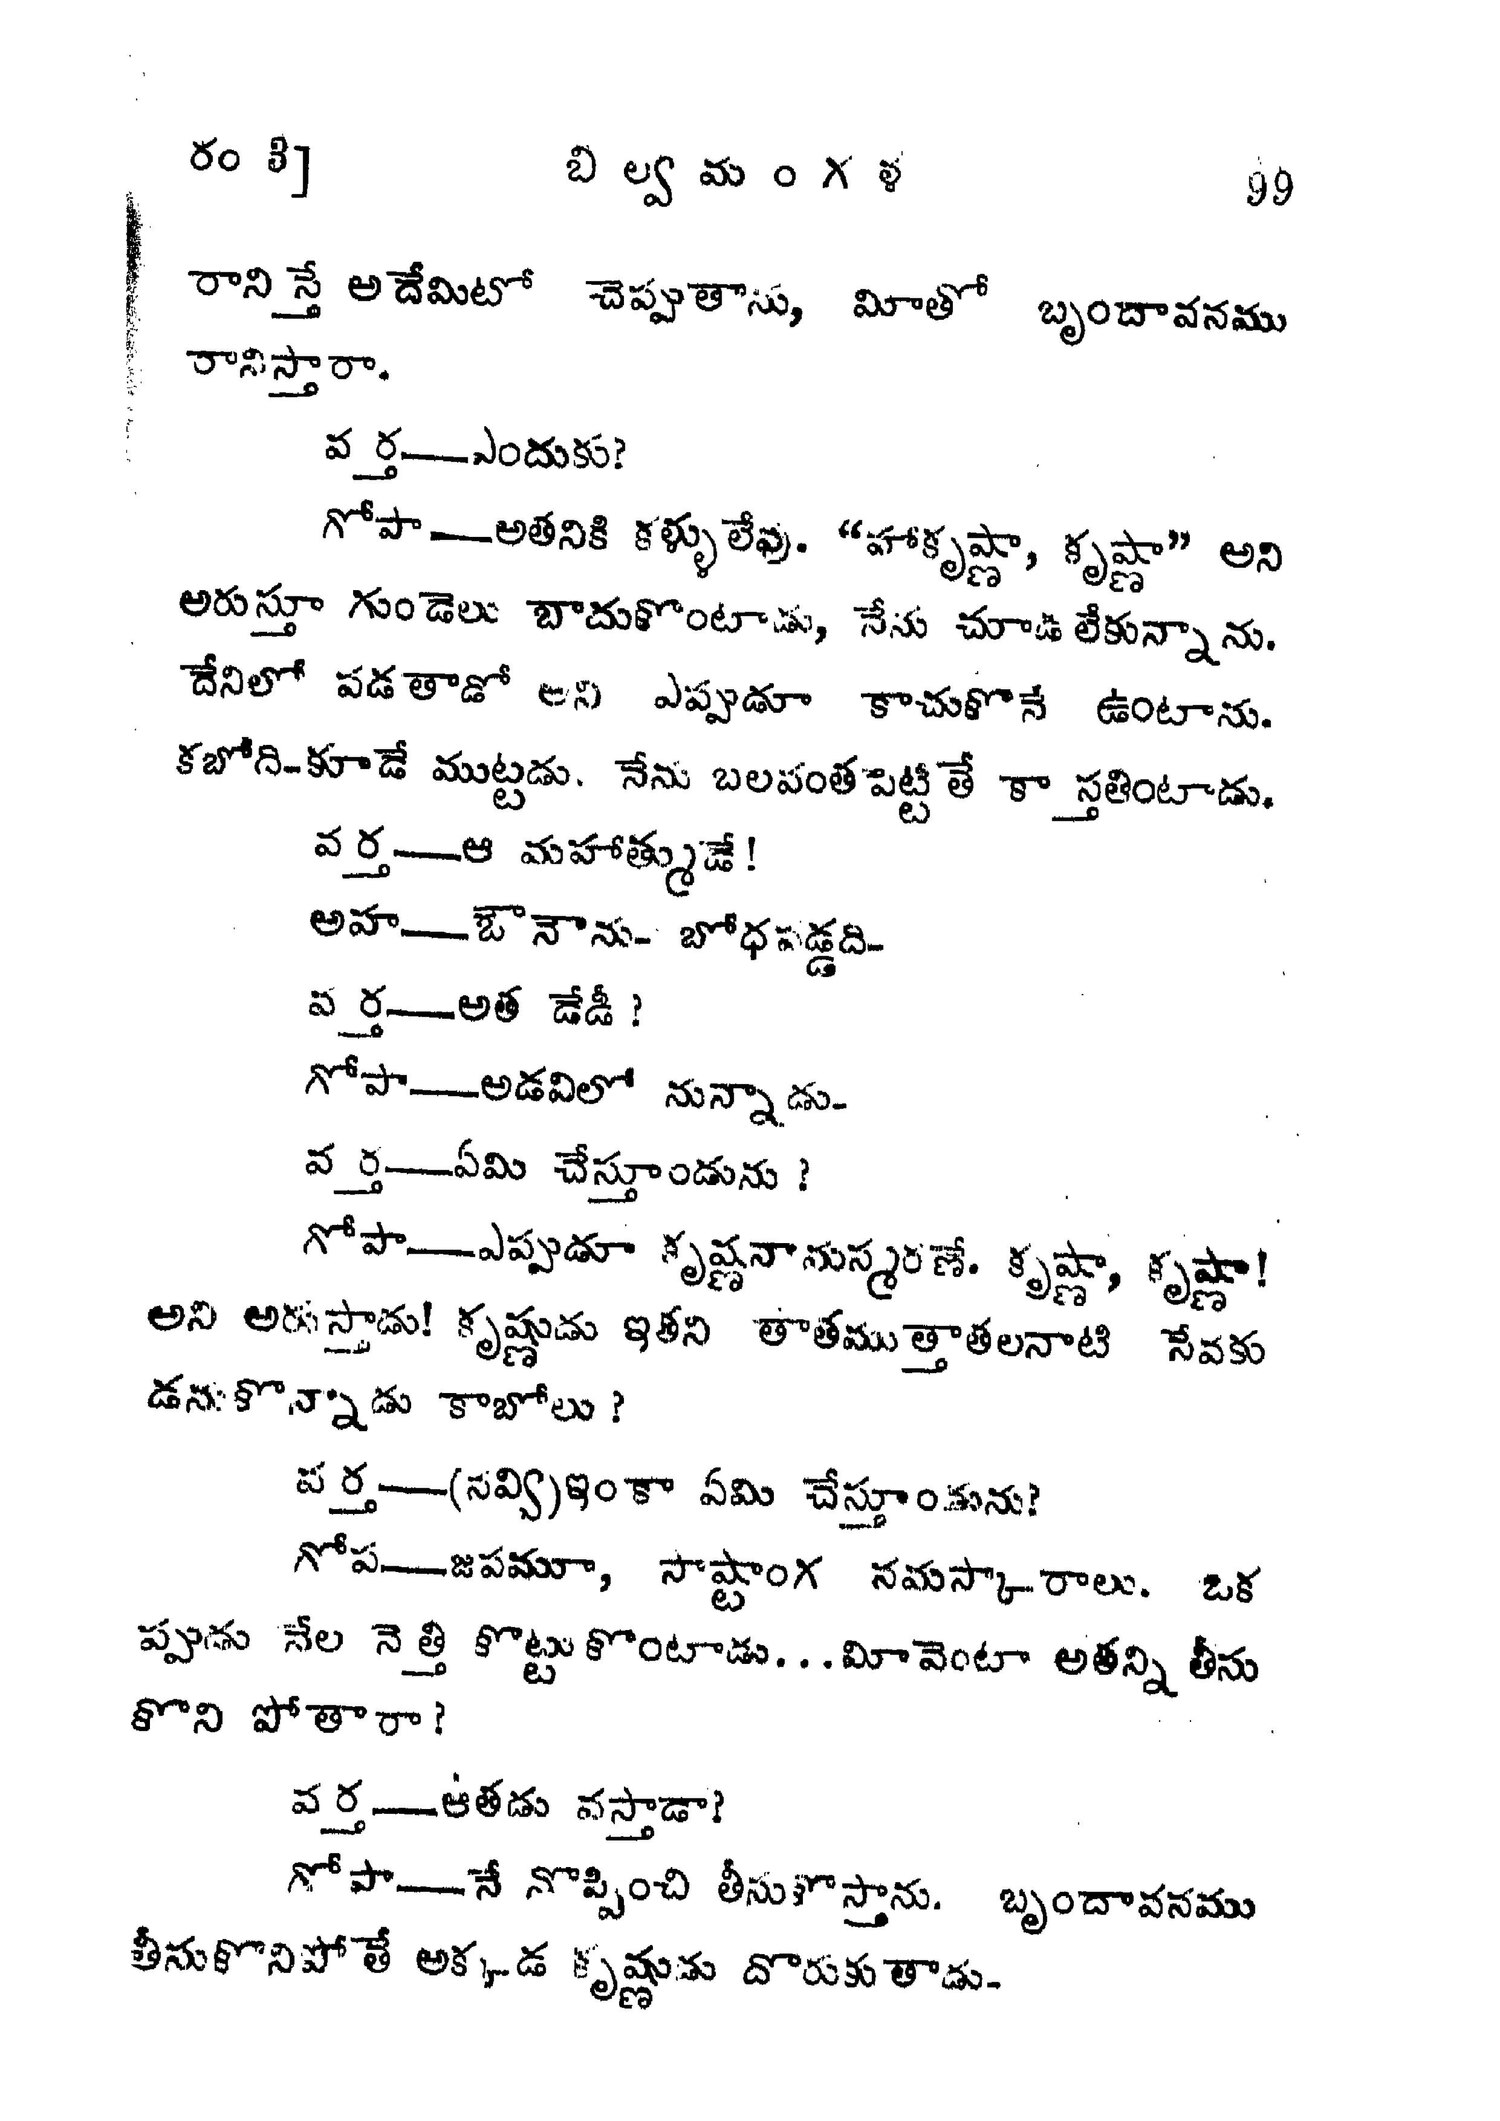రానిస్తే అదేమిటో చెప్పుతాను, మీతో బృందావనము రానిస్తారా.

వర్త - ఎందుకు?

గోపా - అతనికి కళ్ళులేవు. "హాకృష్ణా, కృష్ణా" అని అరుస్తూ గుండెలు బాదుకొంటాడు, నేను చూడలేకున్నాను. దేనిలో పడతాడో అని ఎప్పుడూ కాచుకొనే ఉంటాను. కబోది-కూడే ముట్టడు. నేను బలవంతపెట్టితే కాస్తతింటాడు.

వర్త - ఆ మహ్మాత్ముడే!

అహ - ఔనౌను - బోధపడ్డది-

వర్త - అత డేడీ?

గోపా - అడవిలో నున్నాడు.

వర్త - ఏమి చేస్తూండును?

గోపా - ఎప్పుడూ కృష్ణనామస్మరణే. కృష్ణా, కృష్ణా! అని అరుస్తాడు! కృష్ణుడు ఇతని తాతముత్తాతలనాటి సేవకుడనుకొన్నాడు కాబోలు?

వర్త - (నవ్వి) ఇంకా ఏమి చేస్తూండును?

గోప - జపమూ, సాష్టాంగ నమస్కారాలు. ఒకప్పుడు నేల నెత్తి కొట్టుకొంటాడు...మీవెంటా అతన్ని తీసుకొని పోతారా?

వర్త - ఆతడు వస్తాడా?

గోపా - నే నొప్పించి తీసుకొస్తాను. బృందావనము తీసుకొనిపోతే అక్కడ కృష్ణుడు దొరకుతాడు-